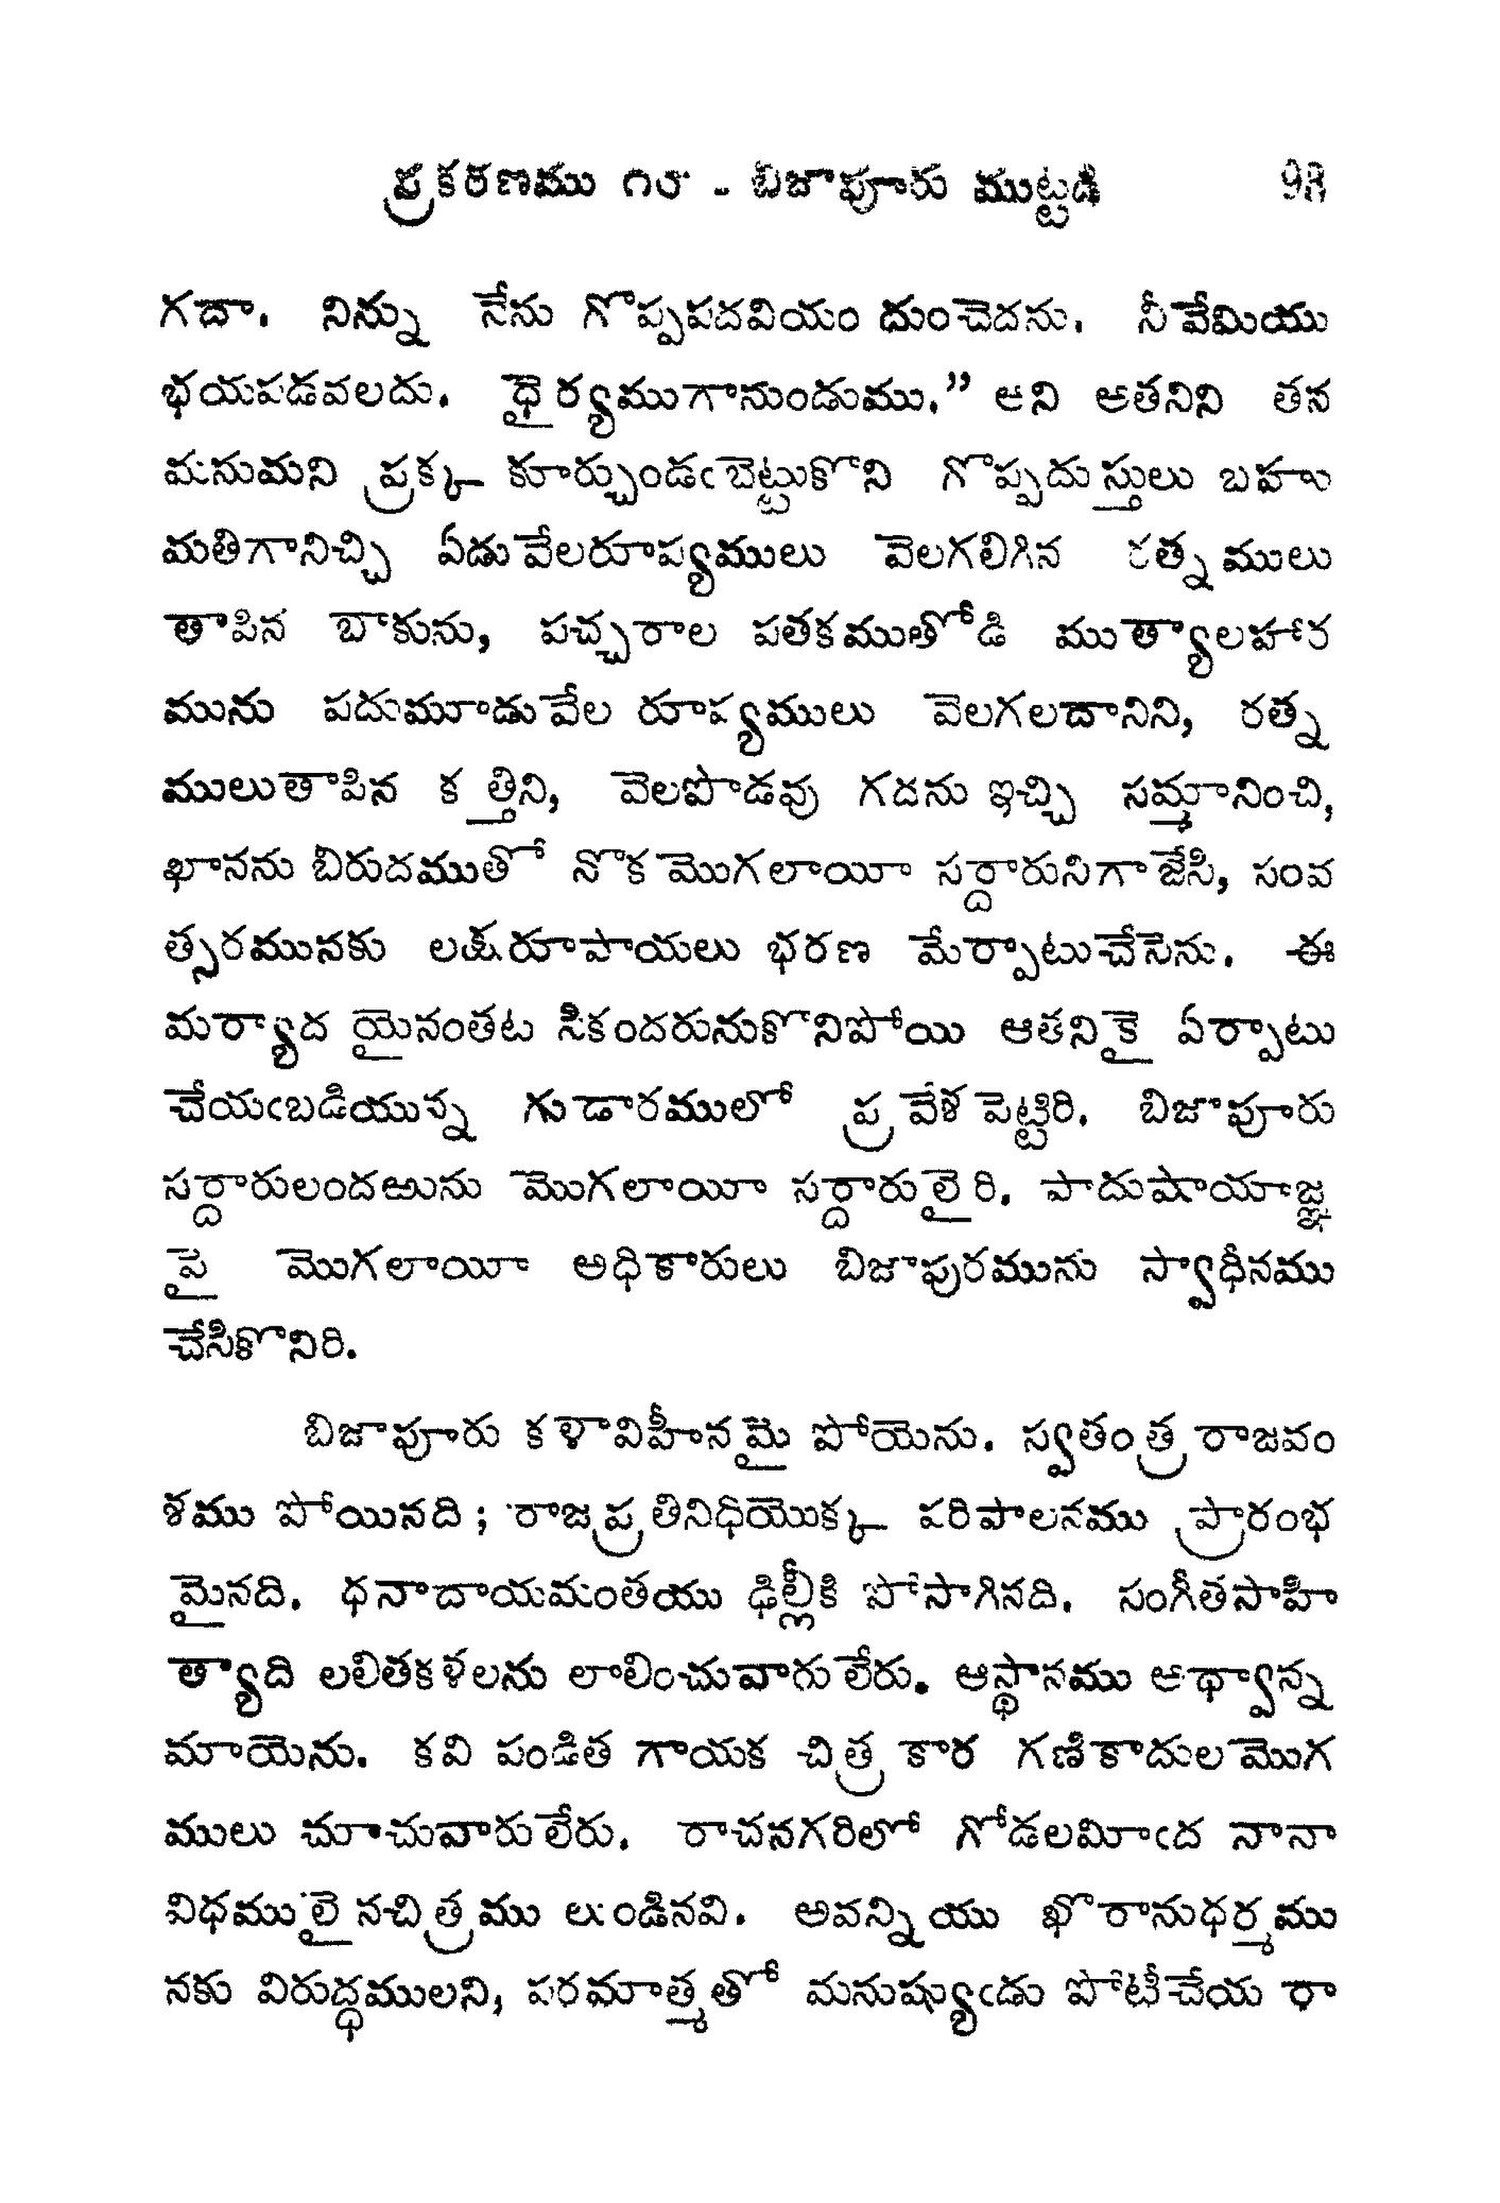గదా. నిన్ను నేను గొప్పపదవియం దుంచెదను. నీవేమియు భయపడవలదు. ధైర్యముగానుండుము.” అని అతనిని తన మనుమని ప్రక్క కూర్చుండఁబెట్టుకొని గొప్పదుస్తులు బహుమతిగానిచ్చి ఏడువేలరూప్యములు వెలగలిగిన రత్నములు తాపిన బాకును, పచ్చరాల పతకముతోడి ముత్యాలహారమును పదమూడువేల రూప్యములు వెలగలదానిని, రత్నములుతాపిన కత్తిని, వెలపొడవు గదను ఇచ్చి సమ్మానించి, ఖానను బిరుదముతో నొకమొగలాయీ సర్దారునిగా జేసి, సంవత్సరమునకు లక్షరూపాయలు భరణ మేర్పాటుచేసెను. ఈ మర్యాద యైనంతట సికందరునుకొనిపోయి ఆతనికై ఏర్పాటు చేయఁబడియున్న గుడారములో ప్రవేశపెట్టిరి. బిజాపూరు సర్దారులందఱును మొగలాయీ సర్దారులైరి. పాదుషాయాజ్ఞ పై మొగలాయీ అధికారులు బిజాపురమును స్వాధీనము చేసికొనిరి.

బిజాపూరు కళావిహీనమై పోయెను. స్వతంత్రరాజవంశము పోయినది; రాజప్రతినిధియొక్క పరిపాలనము ప్రారంభమైనది, ధనాదాయమంతయు ఢిల్లీకి పోసాగినది. సంగీతసాహిత్యాది లలితకళలను లాలించువారులేరు. ఆస్థానము అధ్వాన్నమాయెను. కవి పండిత గాయక చిత్రకార గణికాదుల మొగములు చూచువారు లేరు. రాచనగరిలో గోడలమీఁద నానా విధములైనచిత్రము లుండినవి. అవన్నియు ఖొరానుధర్మమునకు విరుద్ధములని, పరమాత్మతో మనుష్యుఁడు పోటీచేయ రా